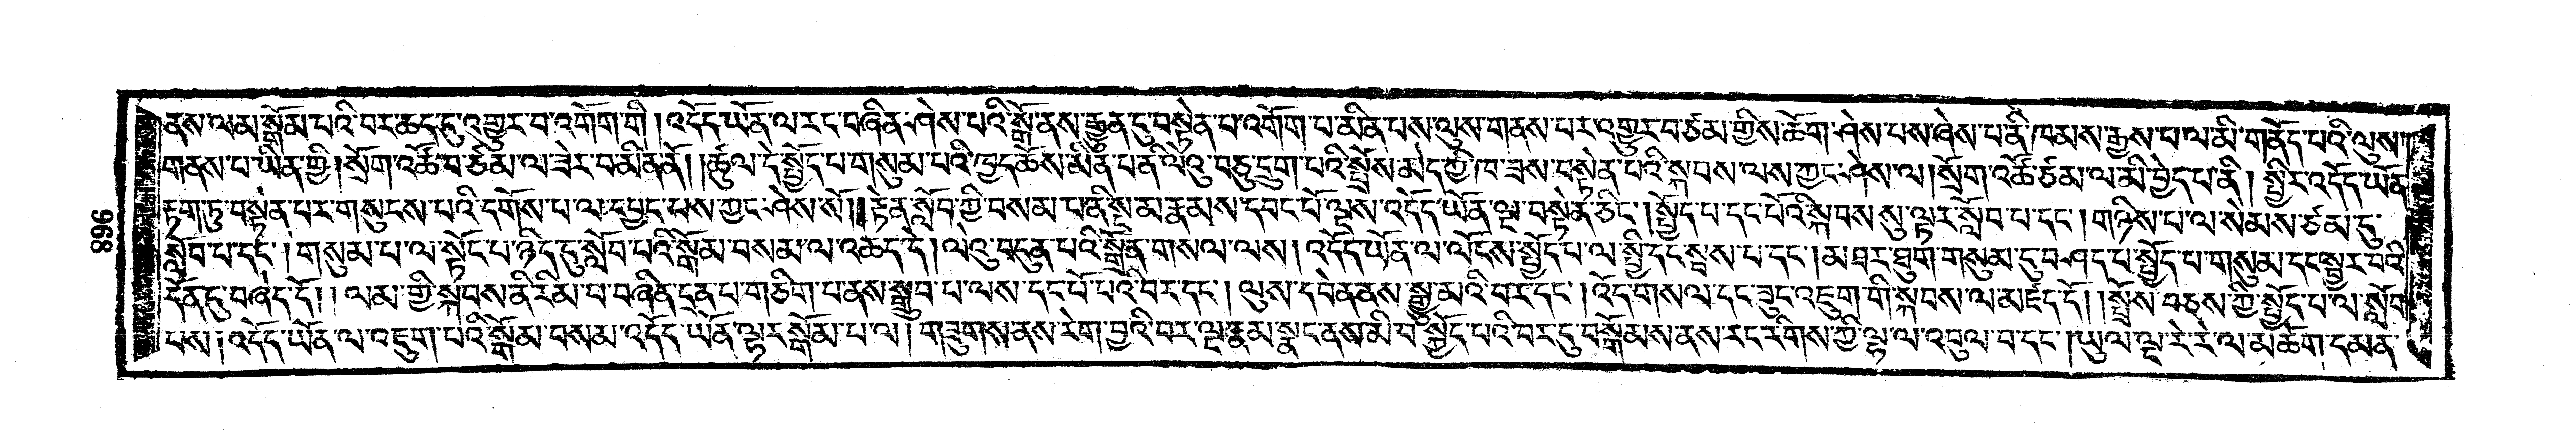ནས་ལམ་སྒོམ་པའི་བར་ཆད་དུ་འགྱུར་བ་འགོག་གི །འདོད་ཡོན་ལ་རང་བཞིན་ཤེས་པའི་སྒོ་ནས་རྒྱུན་དུ་བསྟེན་པ་འགོག་པ་མིན་པས་ལུས་གནས་པར་འགྱུར་བ་ཙམ་གྱིས་ཆོག་ཤེས་པས་ཞེས་པ་ནི་ཁམས་རྒྱས་པ་ལ་མི་གནོད་པའི་ལུས་
གནས་པ་ཡིན་གྱི། སྲོག་འཚོ་བ་ཙམ་ལ་ཟེར་བ་མིན་ནོ། །ཚུལ་དེ་སྤྱོད་པ་གསུམ་པའི་ཁྱད་ཆོས་མིན་པ་ནི་ལེའུ་བཅུ་དྲུག་པའི་སྤྲོས་མེད་ཀྱི་ཁ་ཟས་བསྟེན་པའི་སྐབས་ལས་ཀྱང་ཤེས་ལ། སྲོག་འཚོ་ཙམ་ལ་མི་བྱེད་པ་ནི། སྤྱིར་འདོད་ཡོན་
རྟག་ཏུ་བསྟེན་པར་གསུངས་པའི་དགོས་པ་ལ་དཔྱད་པས་ཀྱང་ཤེས་སོ། །རྟེན་སློབ་ཀྱི་བསམ་པ་ནི་སྔ་མ་རྣམས་དབང་པོ་ལྔས་འདོད་ཡོན་ལྔ་བསྟེན་ཅིང་། སྤྱོད་པ་དང་པོའི་སྐབས་སུ་ལྷར་སློབ་པ་དང་། གཉིས་པ་ལ་སེམས་ཙམ་དུ་
སློབ་པ་དང་། གསུམ་པ་ལ་སྟོང་པ་ཉིད་དུ་སློབ་པའི་སྒོམ་བསམ་ལ་འཆད་དེ། ལེའུ་བདུན་པའི་སྒྲོན་གསལ་ལས། འདོད་ཡོན་ལ་ལོངས་སྤྱོད་པ་ལ་སྤྱི་དང་སྦས་པ་དང་། མཐར་ཐུག་གསུམ་དུ་བཤད་པ་སྤྱོད་པ་གསུམ་དང་སྦྱར་བའི་
དོན་དུ་བཞེད་དོ། །ལམ་གྱི་སྐབས་ནི་རིམ་པ་བཞིན་དྲན་པ་གཅིག་པ་ནས་སྒྲུབ་པ་ལས་དང་པོ་པའི་བར་དང་། ལུས་དབེན་ནས་སྒྱུ་མའི་བར་དང་། འོད་གསལ་དང་ཟུང་འཇུག་གི་སྐབས་ལ་མཛད་དོ། །སྤྲོས་བཅས་ཀྱི་སྤྱོད་པ་ལ་སློབ་
པས། འདོད་ཡོན་ལ་འཇུག་པའི་སྒོམ་བསམ་འདོད་ཡོན་ལྷར་སྒོམ་པ་ལ། གཟུགས་ནས་རེག་བྱའི་བར་ལྔ་རྣམ་སྣང་ནས་མི་བསྐྱོད་པའི་བར་དུ་བསྒོམས་ནས་རང་རིགས་ཀྱི་ལྷ་ལ་འབུལ་བ་དང་། ཡུལ་ལྔ་རེ་རེ་ལ་མཆོག་དམན་